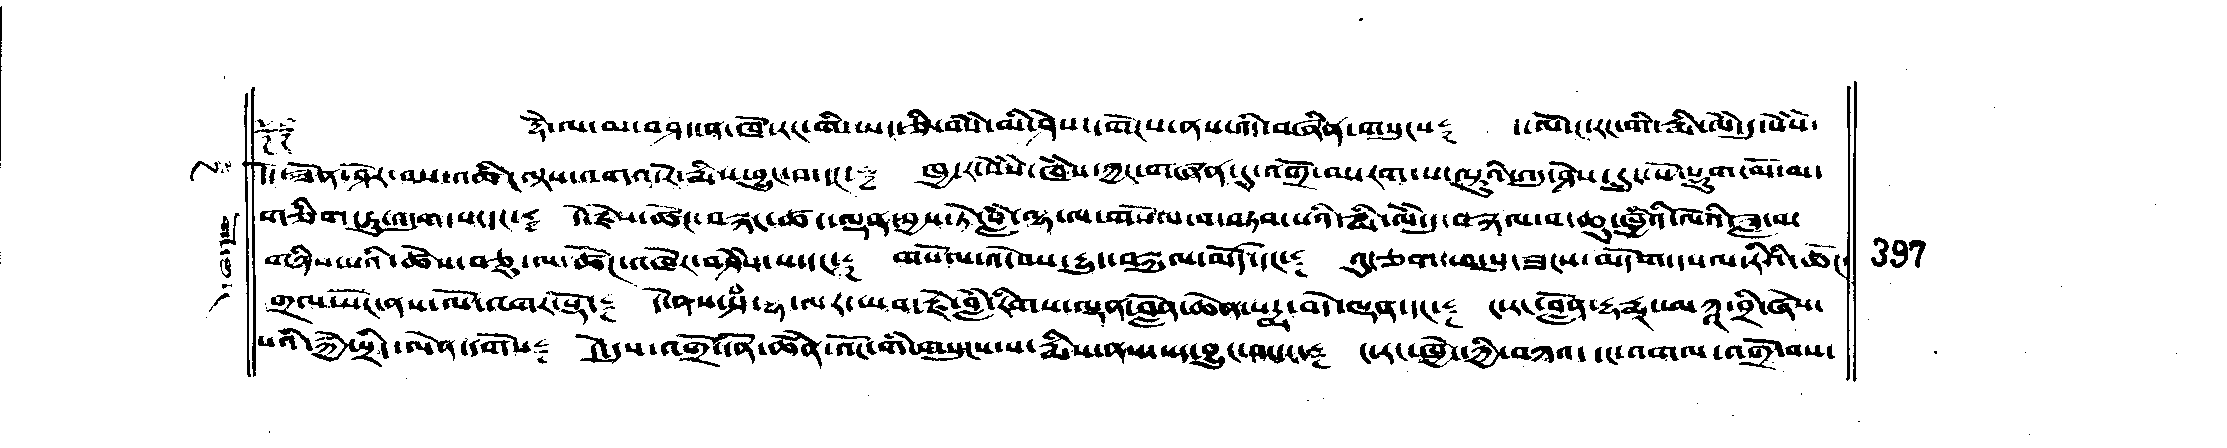རྡོ་རྗེ་ལ་མ་བཤད་ན་ཁོ་རང་གི་ཡང་ཅི་བསམ་མི་ཤེས་དགོངས་ནས་འདི་བཞིན་གསུངས། ད་ལོ་ང་རང་གི་རྨི་ལམ་དུ་སེམས་
དོགས་ཟོན་ཤོར་བས་འཆི་ལྟས་འགའ་རེ་རྨིས་བྱུང་བ་དང་། ཁྱད་པར་སེམས་ཁམས་ཀྱང་གཞན་དུ་འགྲོ་མ་རག་པ་ལྟ་བུའི་འདུ་ཤེས་དྲུང་༼གྲུང་?༽པོ་སྡུག་མོ་མ་
གཅིག་ཏུ་འདུག་པ་དང་། དེ་རྗེས་ཚོགས་བསྐང་ཚད་ལྡན་བྱས་ཏེ་བླ་མ་ལྷ་ལ་གསོལ་བ་བཏབ་པས་རྨི་ལམ་དུ་བསྐལ་བ་ཆུ་ཁྱིའི་ལོའི་ཟླ་བ་
གཉིས་པའི་ཚེས་བཅུ་ལ་ཚོགས་འཁོར་བཤམས་པ་དང་། གསོལ་འདེབས་རྒྱུད་བསྐུལ་མཛོད་དང་། འུ་ཅག་ཕ་བུ་ཟངས་མདོག་དཔལ་རིའི་ཚོགས་
གྲལ་སོང་ནས་ལོ་འགར་སྡོད། དེ་ནས་ཤམ་བྷ་ལར་ཡབ་རྗེ་བླ་མ་རིགས་ལྡན་བློན་ཆེན་པདྨ་བདེ་ལྡན་དང་། ང་རང་བློན་དྷརྨཱ་ཨཀཱ་བྲི་ཞེས་
པའི་སྐྱེ་སྲིད་ལེན་དགོས། དེ་དུས་འགྲོ་དོན་ཆེན་པོ་འོང་གི་གསུངས་པ་རྨིས་ནས་སད་བྱུང་བ་དང་། ང་རང་ཁྱེད་ཀྱི་བཀའ་དང་འགལ་འགྲོ་བས་